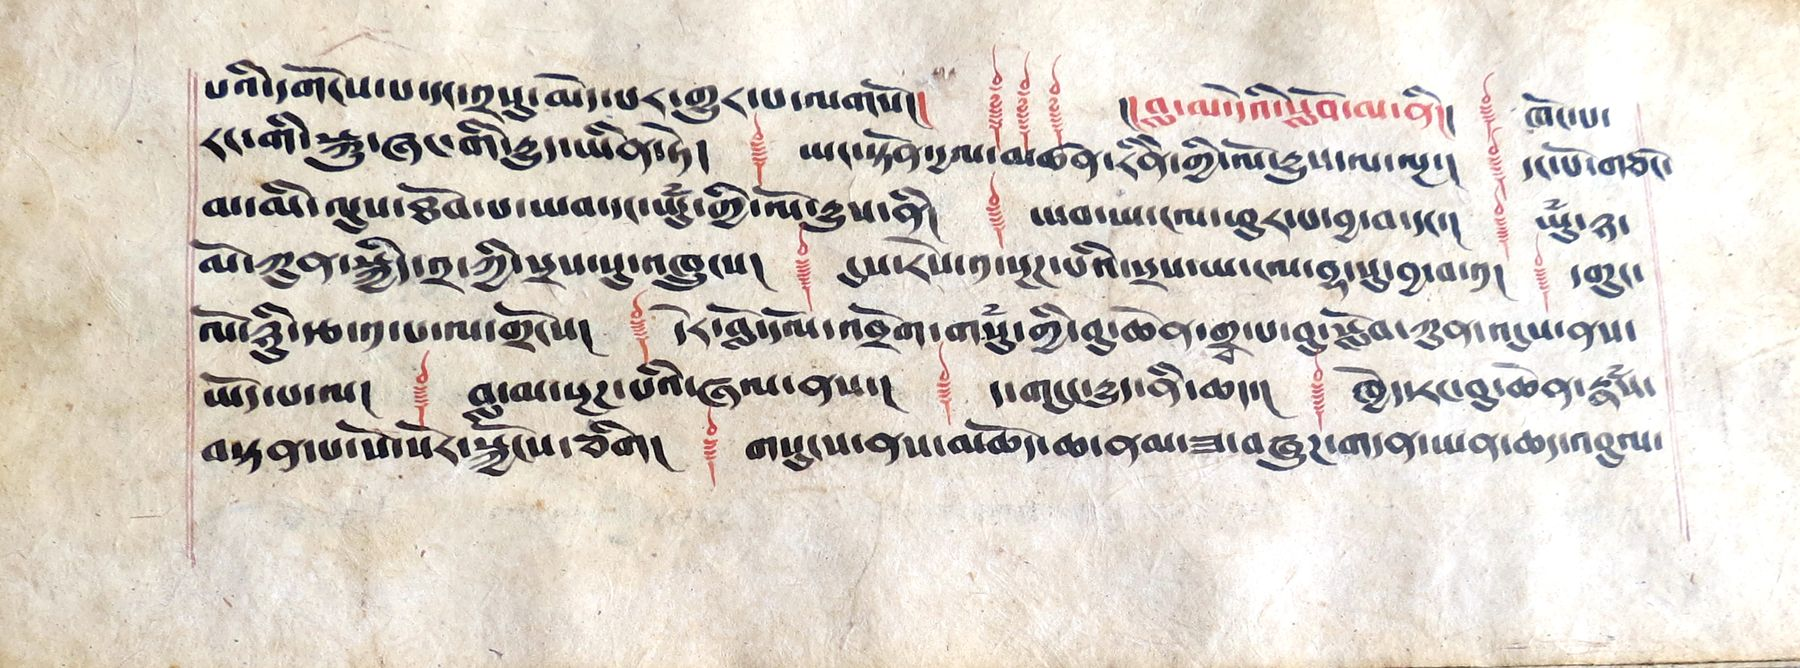དགོངས་པ་དང་གཉིས་སུ་མེད་པར་གྱུར་པ་ལགས་སོ། ། བླ་མ་དེའི་སློབ་མ་ནི། ཁོང་པ་
རང་གི་སྐུ་ཞང་གི་རྒྱུད་ཡིན་ཏེ། ཡང་སྟོན་རྒྱལ་མཚན་རིན་ཆེན་གྱི་ལོ་རྒྱུས་ལ་ལྔ། དང་པོ་གཙང་
མ་མི་ལུས་ཐོབ་པ་ཡབ་དང་ཡུམ་གྱི་ལོ་རྒྱུས་ནི། ཡབ་ཡ་ངལ་ཕུར་པ་བྱ་བ་དང་། ཡུམ་ཉ་
མོ་ཀུན་སྐྱིད་གཉིས་ཀྱི་སྲས་སུ་འཁྲུངས། དུས་རེས་ཤིག་སྔགས་པའི་སྲས་ཡ་ངལ་འབའ་སུ་བྱ་བ་ཞིག། དགུང་
ལོ་ཉི་ཤུ་རྩ་གཅིག་པ་ལ་གྲོངས། དེར་གློ་དོལ་འབྲོག་གསུམ་གྱི་བུ་ཆེན་གྲྭ་པ་བུ་སློབ་ཀུན་འདུས་ནས་
ཡོད་པ་ལ། བླ་མ་སྔགས་པའི་ཞལ་ནས། ད་གདུང་རྒྱུད་ནི་ཆད། ཁྱེད་རང་བུ་ཆེན་རྣམས་
བསྟན་པ་སོ་སོར་སྐྱོངས་ཤིག མཆོད་ཆ་ན་བཟའ་བཞུགས་གདན་ཡན་ཆད་འབུལ་